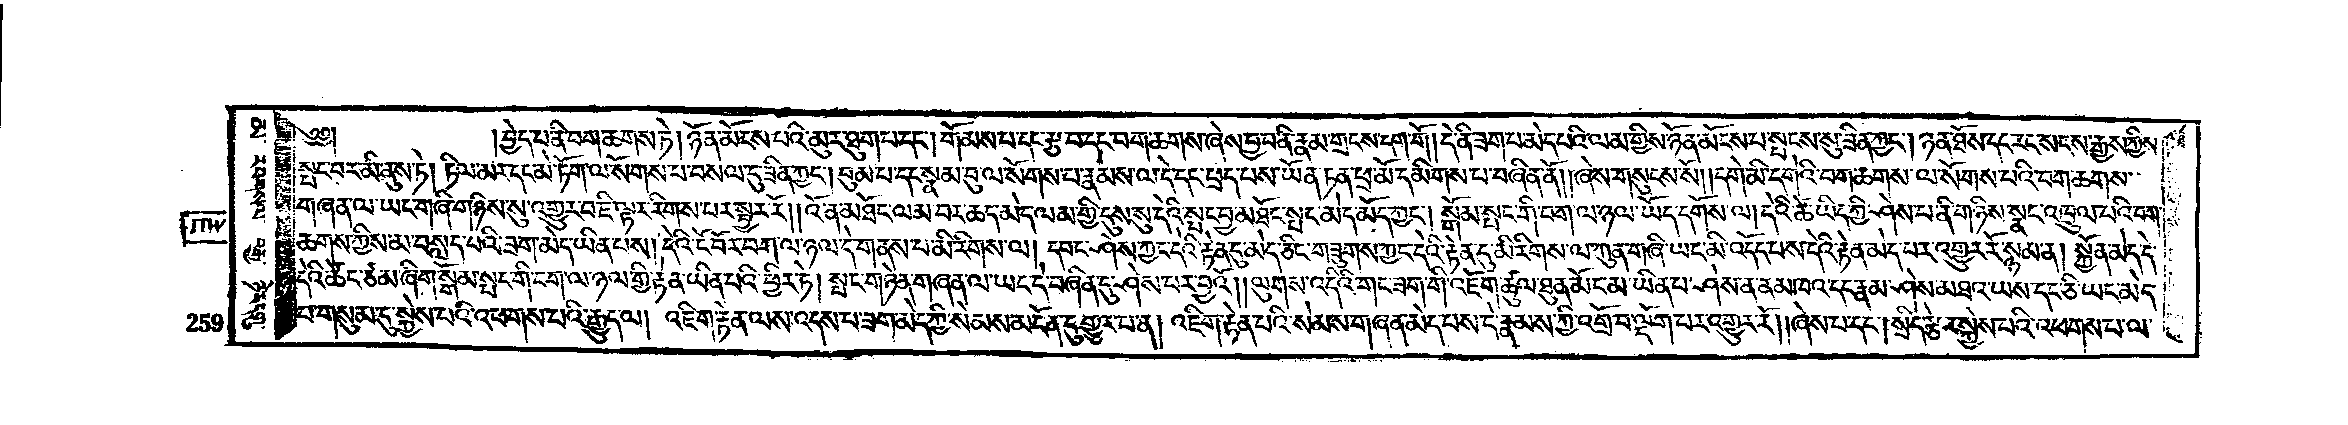༄༅། །བྱེད་པ་ནི་བག་ཆགས་ཏེ། ཉོན་མོངས་པའི་མུར་ཐུག་པ་དང་། གོམས་པ་དང་རྩ་བ་དང་བག་ཆགས་ཞེས་བྱ་བ་ནི་རྣམ་གྲངས་དག་གོ །དེ་ནི་ཟག་པ་མེད་པའི་ལམ་གྱིས་ཉོན་མོངས་པ་སྤངས་སུ་ཟིན་ཀྱང་། ཉན་ཐོས་དང་རང་སངས་རྒྱས་ཀྱིས་
སྤང་བར་མི་ནུས་ཏེ། ཏིལ་མར་དང་མེ་ཏོག་ལ་སོགས་པ་བསལ་དུ་ཟིན་ཀྱང་། བུམ་པ་དང་སྣམ་བུ་ལ་སོགས་པ་རྣམས་ལ་དེ་དང་ཕྲད་པས་ཡོན་ཏན་ཕྲ་མོ་དམིགས་པ་བཞིན་ནོ། །ཞེས་གསུངས་སོ། །དགེ་མི་དགེའི་བག་ཆགས་ལ་སོགས་པའི་བག་ཆགས་
གཞན་ལ་ཡང་གཞི་གཉིས་སུ་འགྱུར་བ་ཇི་ལྟར་རིགས་པར་སྦྱར་རོ། །འོ་ན་མཐོང་ལམ་བར་ཆད་མེད་ལམ་གྱི་དུས་སུ་དེའི་སྤང་བྱ་མཐོང་སྤང་མེད་མོད་ཀྱང་། སྒོམ་སྤང་གི་བག་ལ་ཉལ་ཡོད་དགོས་ལ། དེའི་ཚེ་ཡིད་ཀྱི་ཤེས་པ་ནི་གཉིས་སྣང་འཁྲུལ་པའི་བག་
ཆགས་ཀྱིས་མ་བསླད་པའི་ཟག་མེད་ཡིན་པས། དེའི་ངོ་བོར་བག་ལ་ཉལ་དེ་གནས་པ་མི་རིགས་ལ། དབང་ཤེས་ཀྱང་དེའི་རྟེན་དུ་མེད་ཅིང་གཟུགས་ཀྱང་དེའི་རྟེན་དུ་མི་རིགས་ལ་ཀུན་གཞི་ཡང་མི་འདོད་པས་དེའི་རྟེན་མེད་པར་འགྱུར་རོ་སྙམ་ན། སྐྱོན་མེད་
དེའི་ཚེ་ང་ཙམ་ཞིག་སྒོམ་སྤང་གི་བག་ལ་ཉལ་གྱི་རྟེན་ཡིན་པའི་ཕྱིར་ཏེ། སྤང་གཉེན་གཞན་ལ་ཡང་དེ་བཞིན་དུ་ཤེས་པར་བྱའོ། །ལུགས་འདིའི་གང་ཟག་གི་འཇོག་ཚུལ་ཐུན་མོང་མ་ཡིན་པ་ཤེས་ན་ནམ་མཁའ་དང་རྣམ་ཤེས་མཐའ་ཡས་དང་ཅི་ཡང་མེད་
པ་གསུམ་དུ་སྐྱེས་པའི་འཕགས་པའི་རྒྱུད་ལ། འཇིག་རྟེན་ལས་འདས་པ་ཟག་མེད་ཀྱི་སེམས་མངོན་དུ་གྱུར་པ་ན། འཇིག་རྟེན་པའི་སེམས་གཞན་མེད་པས་དེ་རྣམས་ཀྱི་འགྲོ་བ་ལྡོག་པར་འགྱུར་རོ། །ཞེས་པ་དང་། སྲིད་རྩེར་སྐྱེས་པའི་འཕགས་པ་ལ་